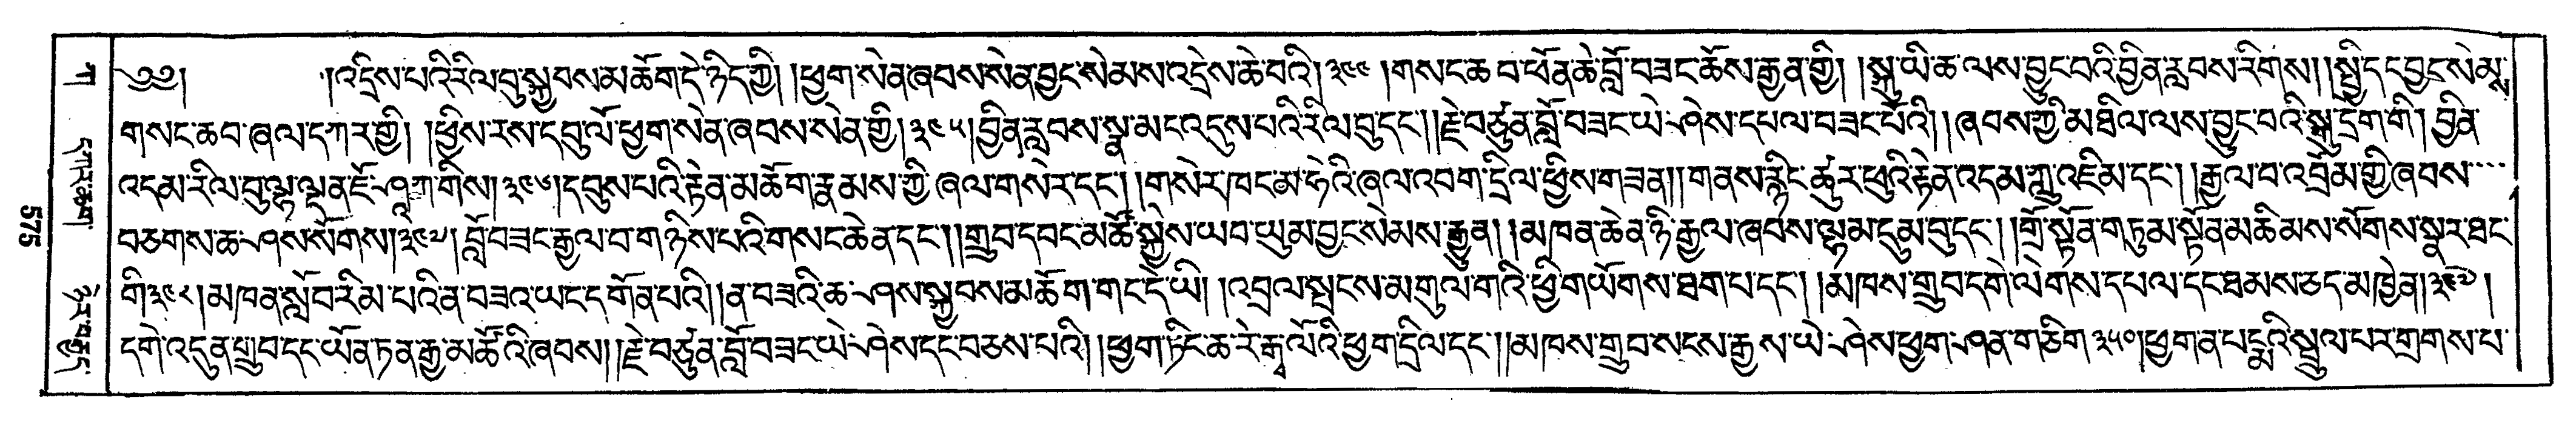༄༅། །འདྲེས་པའི་རིལ་བུ་སྐྱབས་མཆོག་དེ་ཉིད་ཀྱི། །ཕྱག་སེན་ཞབས་སེན་བྱང་སེམས་འདྲེས་ཆེ་བའི། ༣༤༤་།གསང་ཆབ་ཕོན་ཆེ་བློ་བཟང་ཆོས་རྒྱན་གྱི། །སྐུ་ཡི་ཆ་ལས་བྱུང་བའི་བྱིན་རླབས་རིགས། །སྤྱི་དང་བྱང་སེམས་
གསང་ཆབ་ཞལ་དཀར་གྱི། །ཕྱིས་རས་དབུ་ལོ་ཕྱག་སེན་ཞབས་སེན་གྱི། ༣༤༥་།བྱིན་རླབས་སྣ་མང་འདུས་པའི་རིལ་བུ་དང་། །རྗེ་བཙུན་བློ་བཟང་ཡེ་ཤེས་དཔལ་བཟང་པོའི། །ཞབས་ཀྱི་མཐིལ་ལས་བྱུང་བའི་སྐུ་དྲག་གི། །བྱིན་
འདམ་རིལ་བུ་ལྷ་ལྡན་ཇོ་ཤཱཀ་གིས། ༣༤༦་།དབུས་པའི་རྟེན་མཆོག་རྣམས་ཀྱི་ཞལ་གསེར་དང་། །གསེར་ཁང་མ་ཧེའི་ཞལ་བག་དྲིལ་ཕྱིས་གཟན། །གནས་རྙིང་ཚུར་ཕུའི་རྟེན་འདམ་ཀླུ་འཇིམ་དང་། །རྒྱལ་བ་འབྲོམ་གྱི་ཞབས་
བཅགས་ཆ་ཤས་སོགས། ༣༤༧་།བློ་བཟང་རྒྱལ་བ་གཉིས་བའི་གསང་ཆེན་དང་། །གྲུབ་དབང་མཚོ་སྐྱེས་ཡབ་ཡུམ་བྱང་སེམས་རྒྱུན། །མཁན་ཆེན་ཉི་རྒྱལ་ཞབས་ལྷམ་དུམ་བུ་དང་། །གྲོ་སྟོན་གཏུམ་སྟོན་མཆིམས་སོགས་སྣར་ཐང་
གི ༣༤༨་།མཁན་སློབ་རིམ་པའི་ན་བཟའ་ཡང་དགོན་པའི། །ན་བཟའི་ཆ་ཤས་སྐྱབས་མཆོག་གང་དེ་ཡི། །འབྲལ་སྤངས་མགུལ་གའི་ཕྱི་གཡོགས་ཐག་པ་དང་། །མཁས་གྲུབ་དགེ་ལེགས་དཔལ་དང་ཐམས་ཅད་མཁྱེན། ༣༤༧།
དགེ་འདུན་གྲུབ་དང་ཡོན་ཏན་རྒྱ་མཚོའི་ཞབས། །རྗེ་བཙུན་བློ་བཟང་ཡེ་ཤེས་དང་བཅས་བའི། །ཕྱག་ཏིང་ཆ་རེ་རྒྭ་ལོའི་ཕྱག་དྲིལ་དང་། །མཁས་གྲུབ་སངས་རྒྱས་ཡེ་ཤེས་ཕྱག་ཤན་གཅིག ༣༥༠་།ཕྱག་ན་པདམའི་སྦྲུལ་པར་གྲགས་པ་